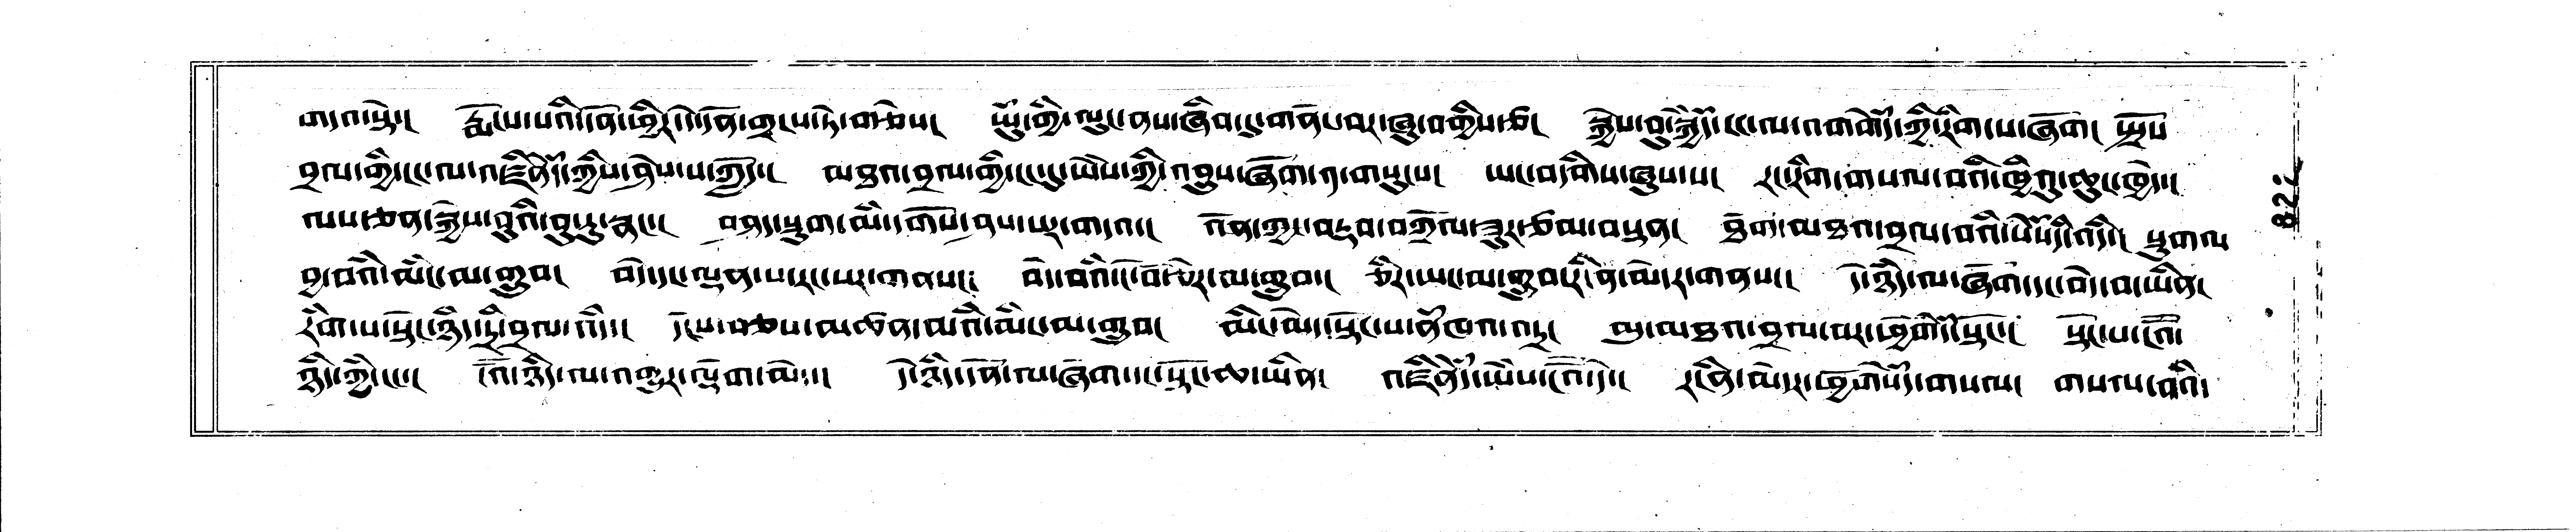གདའ་སྟེ། །རྨོངས་པའི་དོན་ཕྱིར་དེ་དོན་གྲངས་ཏེ་གཅེས། །ཡུམ་གྱི་ལུང་ནས་ཞིབ་དུ་གནོང་བར་ཞུ་བགྱིས་ཙ། སྐྱེས་བུ་སྐྱེ་མེད་ངང་ལ་འགག་མེད་ཀྱི་རིག་པ་ཞོག སྤྲོས་
བྲལ་གྱི་ངང་ལ་འཛིན་མེད་ཀྱི་ཤེས་པ་ཀློད། མཐའ་བྲལ་གྱི་ངང་དུ་ཡེ་ཤེས་ཀྱི་འབྲས་བུ་ཞོག་ཅིག་གསུངས། ཡང་བདག་གིས་ཞུས་པ། རང་རིག་གསལ་བའི་ཁྱེའུ་ཆུང་ཁྱེད། 
།ལས་ཅན་སྐྱེས་བུའི་བུ་རུ་སྣང་། །བཤད་སྡུག་མི་དགོས་ཤེས་པར་གདའ། །འོན་ཀྱང་བརྡའ་བཀྲོལ་ཟུར་ཙམ་བསྟན། །ཐོག་མཐའ་བྲལ་བའི་སེམས་ཉིད་འདི། །སྡུག་བསྔལ་
བྱ་བའི་མིང་མ་གྲུབ། །བདེ་དང་ལྡན་པ་རང་སར་གནས། །བདེ་བའི་ངོའོ་ཅིར་མ་གྲུབ། །ཅིར་ཡང་མ་གྲུབ་རང་བཞིན་མེད་པར་གནས། །དེ་ཉིད་ལ་ཞོག་དང་བདེ་བ་ཡིན། 
རིག་པ་སྟོང་ཉིད་དྲི་བྲལ་འདི། །དངོས་བཅས་མཚན་མའི་མིང་མ་གྲུབ། །མིང་མེད་སྟོང་པ་ནམ་མཁའ་འདྲ། །མུ་མཐའ་བྲལ་བར་ཕྱོགས་མེད་སྟོང་། །སྟོང་པ་ངོའོ་
ཉིད་ཀྱི་ངང་། །ངོའོ་ཉིད་ལ་འགྱུར་ལྡོག་མེད། །དེ་ཉིད་དོན་ལ་ཞོག་དང་སྟོང་ཆ་ཡིན། །འཛིན་མེད་ཡེ་ཤེས་ངོའོ་དེ། །རང་བཞིན་མེད་པར་ཕྱོགས་མེད་གསལ། གསལ་བའི་